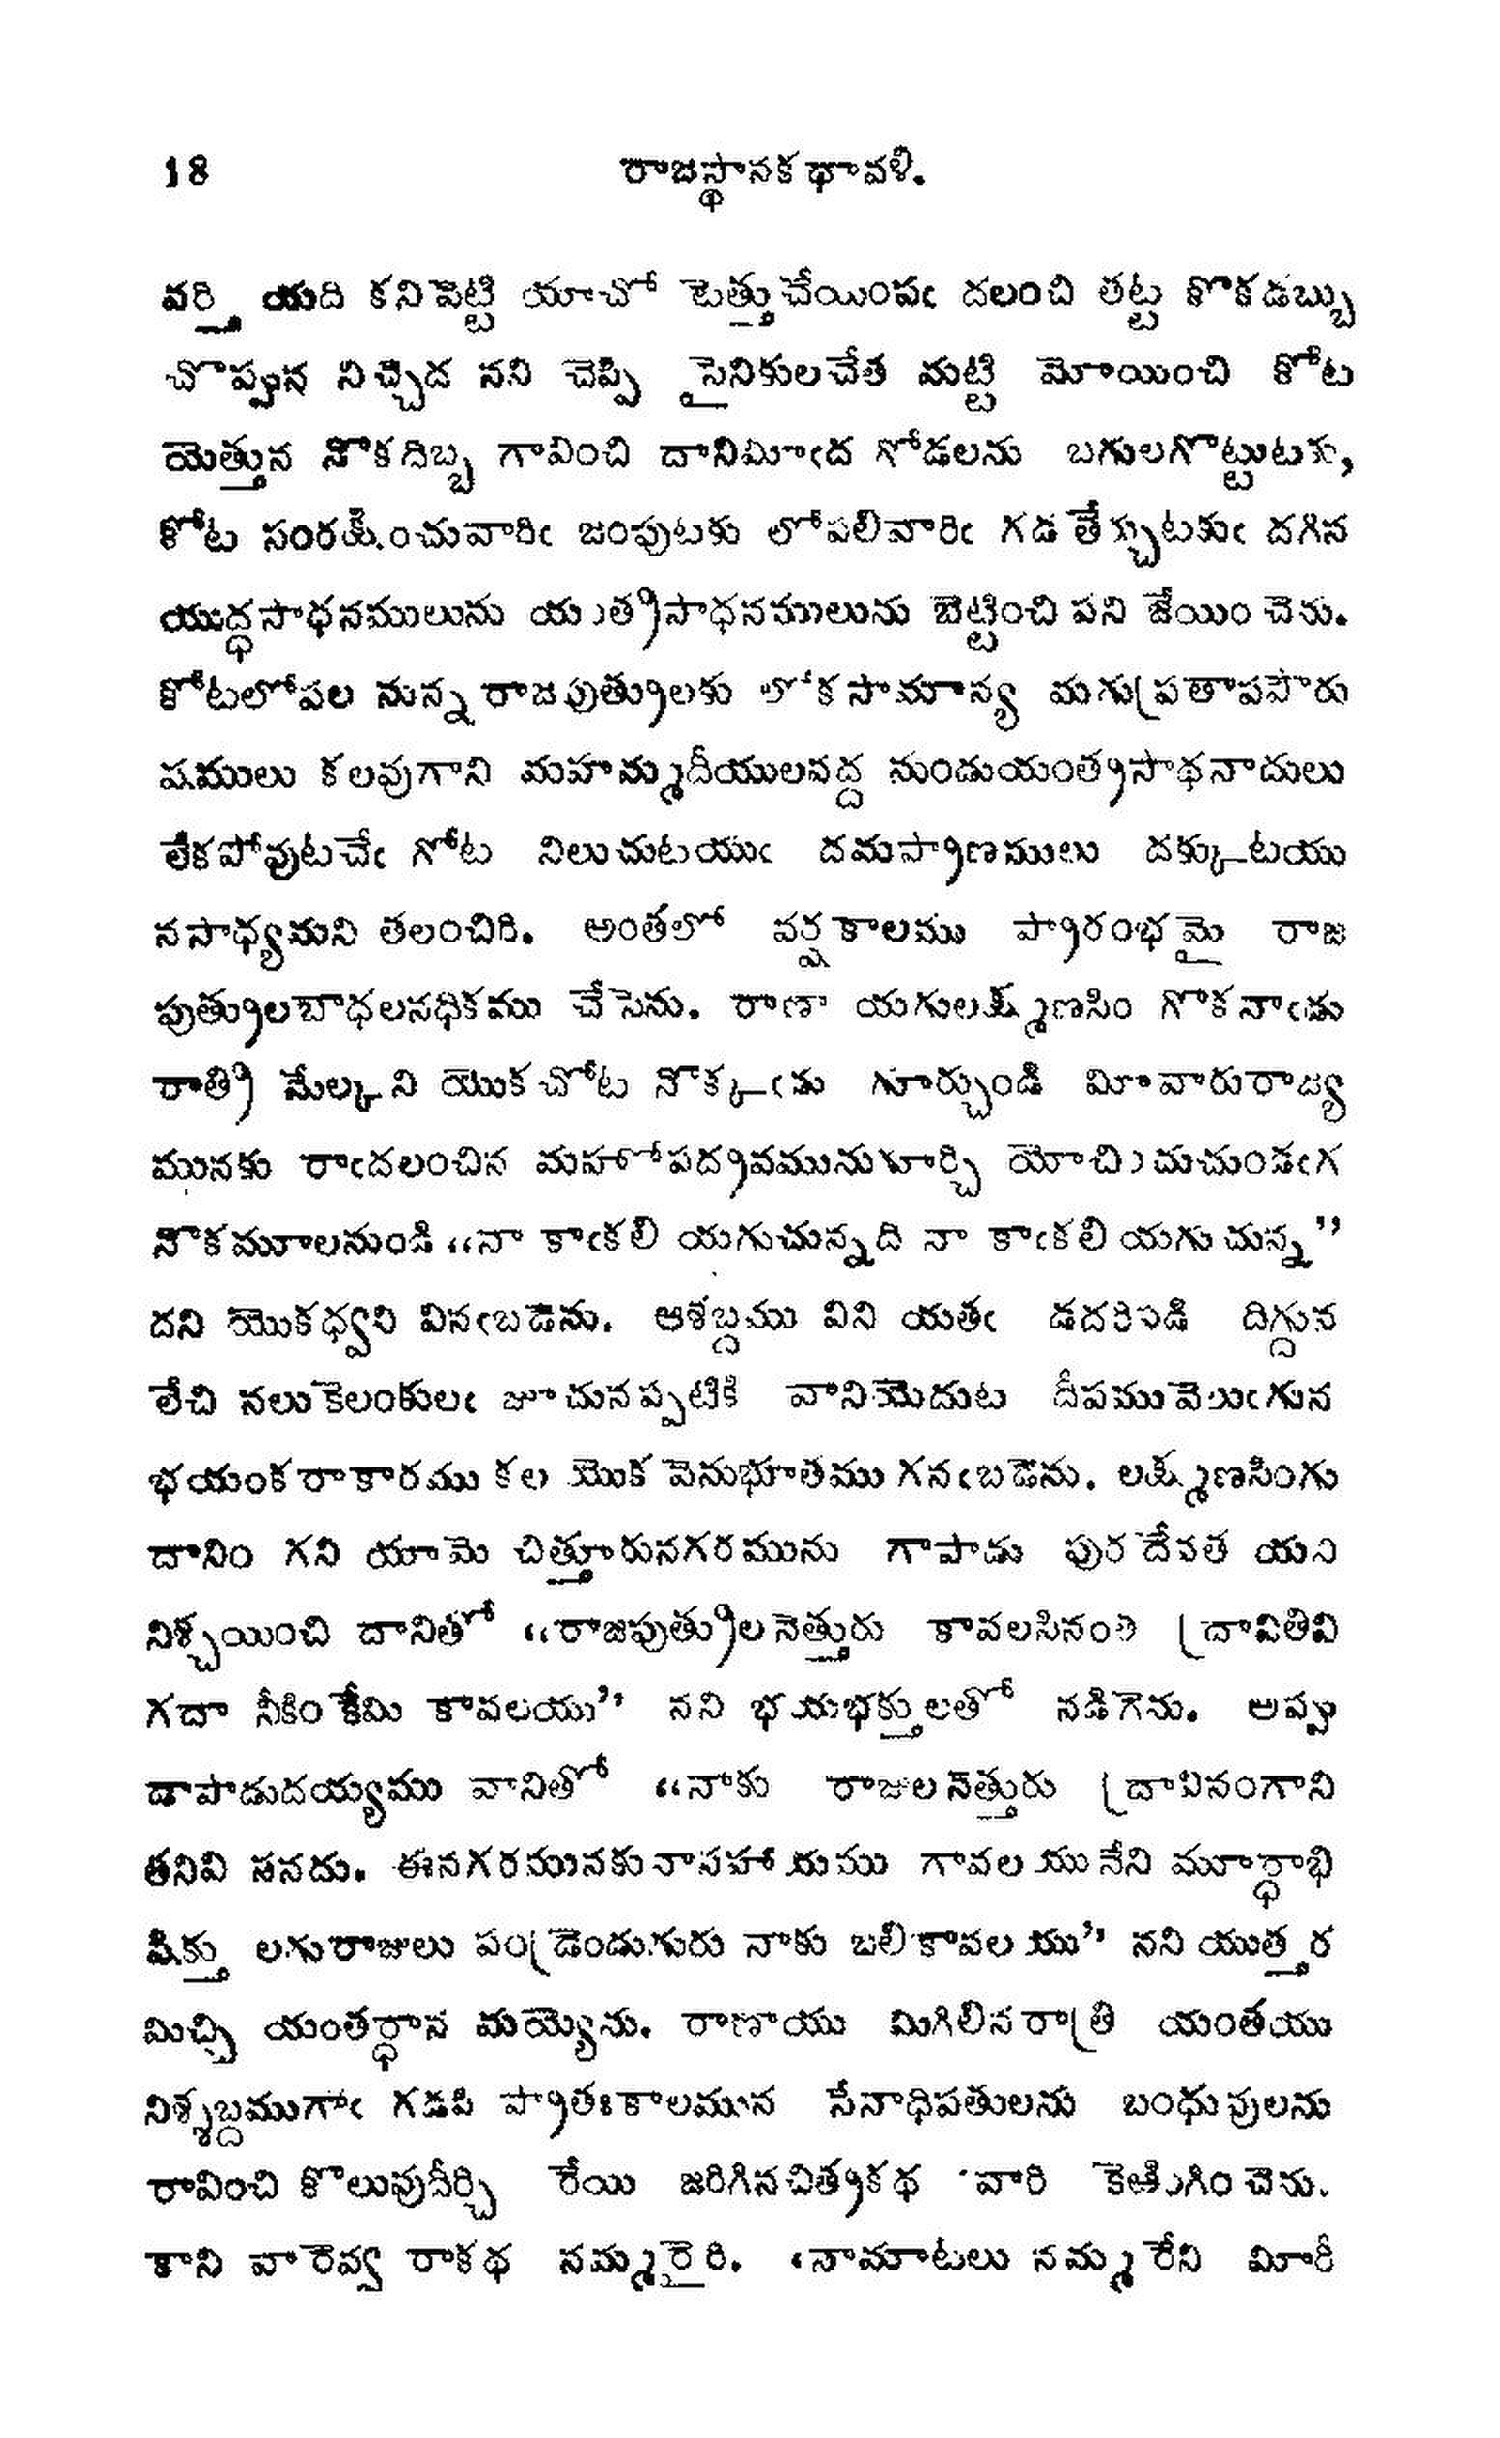వర్తి యది కనిపెట్టి యాచో టెత్తు చేయింపఁ దలంచి తట్ట కొకడబ్బు చొప్పున నిచ్చిద నని చెప్పి సైనికుల చేత మట్టి మోయించి కోట యెత్తున నొక దిబ్బ గావించి దానిమీద గోడలను బగులగొట్టుటకు, కోట సంరక్షించువారిఁ జంపుటకు లోపలి వారిఁ గడ తేర్చుటకుఁ దగిన యుద్ధ సాధనములును యంత సాధనములును బెట్టించి పని జేయించెను. కోటలోపల నున్న రాజపుత్రులకు లోక సామాన్య మగుప్రతాపపౌరు
షములు కలవుగాని మహమ్మదీయుల వద్ద నుండుయంత్ర సాధనాదులు లేకపోవుటచేఁ గోట నిలుచుటయుఁ దమప్రాణములు దక్కుటయు నసాధ్యమని తలంచిరి. అంతలో వర్ష కాలము ప్రారంభమై రాజపుత్రుల బాధలనధికము చేసెను. రాణా యగులక్ష్మణసిం గొకనాఁడు రాత్రి మేల్కని యొకచోట నొక్కఁడు గూర్చుండి మీవారు రాజ్యమునకు రాఁదలంచిన మహోపద్రవమును గూర్చి యోచించుచుండఁగ నొకమూలనుండి "నా కాకలి యగుచున్నదీ నా కాఁకలి యగుచున్న ”దని యొక ధ్వని వినఁబడెను. ఆశబ్దము విని యతఁ డదరిపడి దిగ్గున లేచి నలు కెలంకులఁ జూచునప్పటికి వాని యెదుట దీపము వెలుఁగున భయంకరాకారము కల యొక పెనుభూతము గనఁబడెను. లక్ష్మణసింగు దానిం గని యామె చిత్తూరునగరమును గాపాడు పుర దేవత యని
నిశ్చయించి దానితో "రాజపుత్రుల నెత్తురు కావలసినంత ద్రావితివి గదా నీకిం కేమి కావలయ" నని భయభక్తులతో నడిగెను. అప్పు డాపాడుదయ్యము వానితో "నాకు రాజుల నెత్తురు ద్రావినంగాని తనివి సనదు. ఈ నగరమునకు నాసహాయము గావలయునేని మూర్థాభిషిక్తు లగురాజులు పండెండుగురు నాకు బలి కావలయు" నని యుత్తర మిచ్చి యంతర్ధాన మయ్యెను. రాణాయు మిగిలిన రాత్రి యంతయు నిశ్శబ్దముగాఁ గడపి ప్రాతఃకాలమున సేనాధిపతులను బంధువులను రావించి కొలువుదీర్చి రేయి జరిగిన చిత్ర కథ 'వారి కెఱింగించెను. కానీ వారెవ్వ రాకథ నమ్మరైరి. 'నామాటలు నమ్మరేని మీరీ